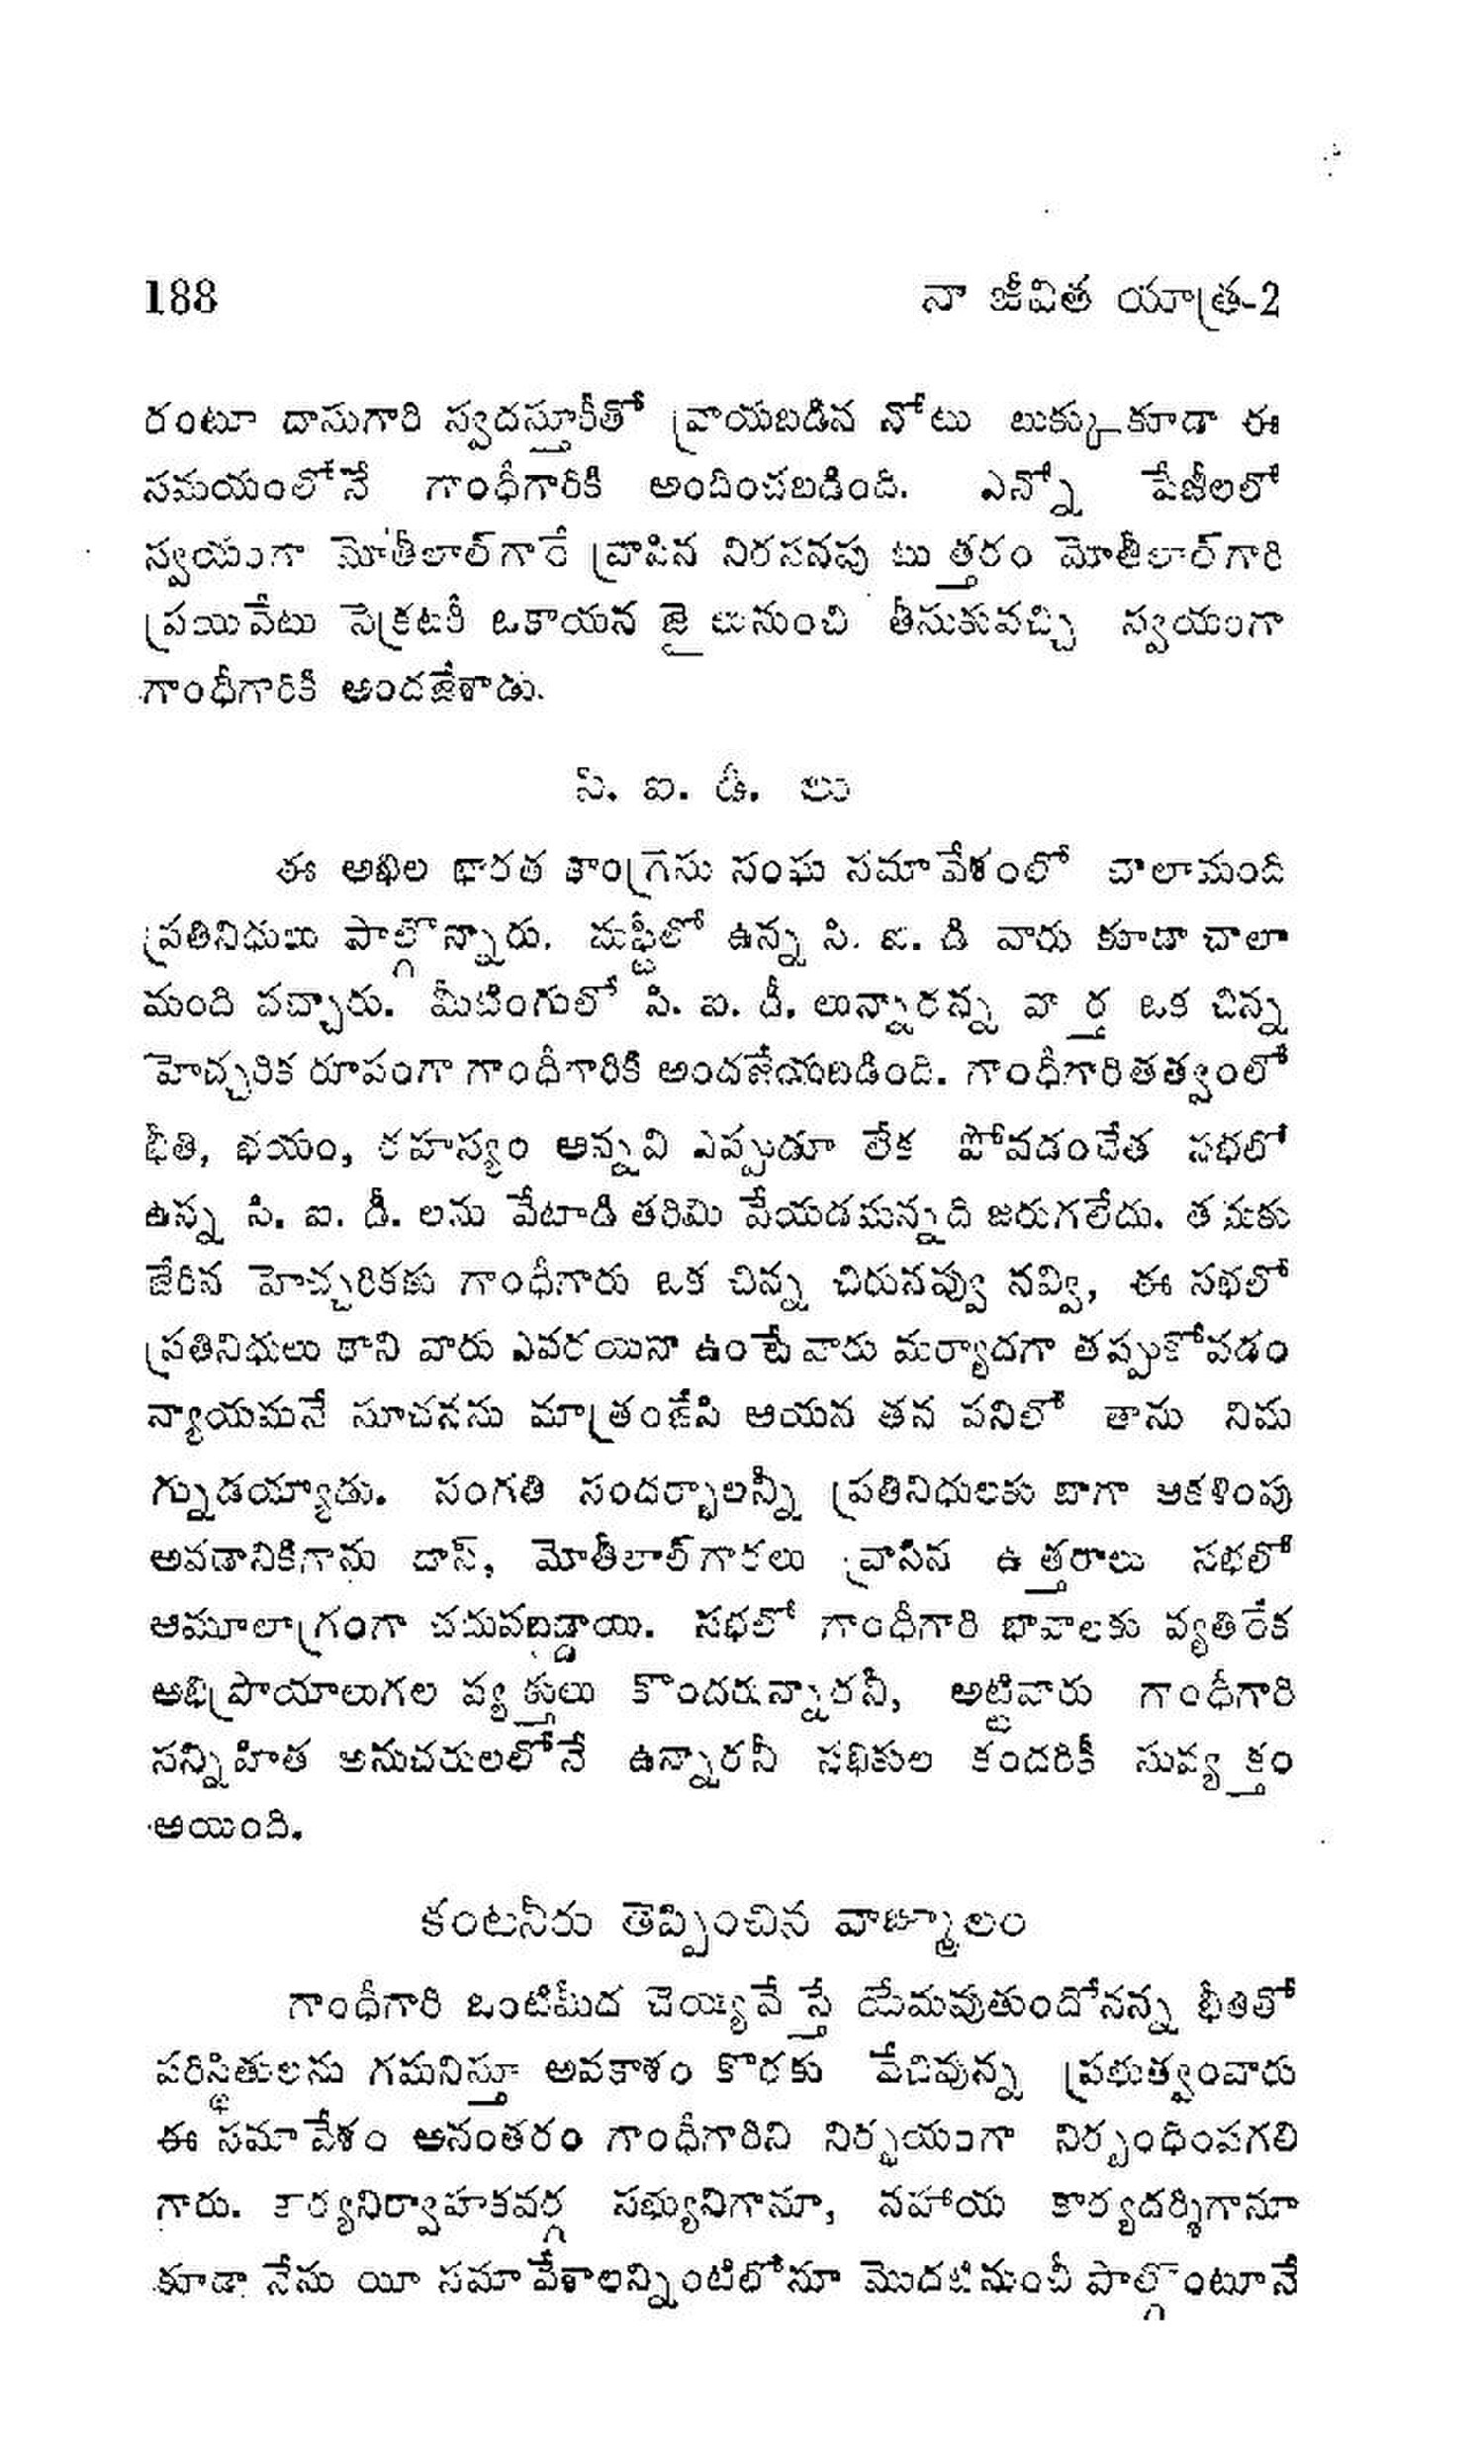రంటూ దాసుగారి స్వదస్తూరీతో వ్రాయబడిన నోటు బుక్కుకూడా ఈ సమయంలోనే గాంధీగారికి అందించబడింది. ఎన్నో పేజీలలో స్వయంగా మోతీలాల్ గారే వ్రాసిన నిరసనపు టుత్తరం మోతిలాల్ గారి ప్రయివేటు సెక్రటరీ ఒకాయన జైలునుంచి తీసుకువచ్చి స్వయంగా గాంధీగారికి అందజేశాడు.

ఈ అఖిల భారత కాంగ్రెసు సంఘ సమావేశంలో చాలమంది ప్రతినిధులు పాల్గొన్నారు. మఫ్టీలో ఉన్న సి.ఐ.డి వారు కూడా చాల మంది వచ్చారు. మీటింగులో సి.ఐ.డీ. లున్నారన్న వార్త ఒక చిన్న హెచ్చరిక రూపంగా గాంధీగారికి అందజేయబడింది. గాంధీగారి తత్వంలో భీతి, భయం, రహస్యం అన్నవి ఎప్పుడూ లేక పోవడంచేత సభలో ఉన్న సి.ఐ.డీ. లను వేటాడి తరిమి వేయడమన్నది జరుగలేదు. తమకు జేరిన హెచ్చరికకు గాంధీగారు ఒక చిన్న చిరునవ్వు నవ్వి, ఈ సభలో ప్రతినిధులు కాని వారు ఎవరయినా ఉంటే వారు మర్యాదగా తప్పుకోవడం న్యాయమనే సూచనను మాత్రం జేసి ఆయన తన పనిలో తాను నిమగ్నుడయ్యాడు. సంగతి సందర్భాలన్నీ ప్రతినిధులకు బాగా ఆకళింపు అవడానికి గాను దాస్, మోతిలాల్ గారలు వ్రాసిన ఉత్తరాలు సభలో ఆమూలాగ్రంగా చదువబడ్డాయి. సభలో గాంధీగారి భావాలకు వ్యతిరేక అభిప్రాయాలుగల వ్యక్తులు కొందరున్నారనీ, అట్టివారు గాంధీగారి సన్నిహిత అనుచరులలోనే ఉన్నారనీ సభికుల కందరికీ సువ్యక్తం అయింది.

గాంధీగారి ఒంటిమీద చెయ్యివేస్తే యేమవుతుందోనన్న భీతితో పరిస్థితులను గమనిస్తూ అవకాశం కొరకు వేచివున్న ప్రభుత్వం వారు ఈ సమావేశం అనంతరం గాంధీగారిని నిర్భయంగా నిర్భంధింపగలిగారు. కార్యనిర్వాహకవర్గ సభ్యునిగానూ, సహాయ కార్యదర్శిగానూ కూడా నేను యీ సమావేశాలన్నింటిలోను మొదటి నుంచీ పాల్గొంటూనే